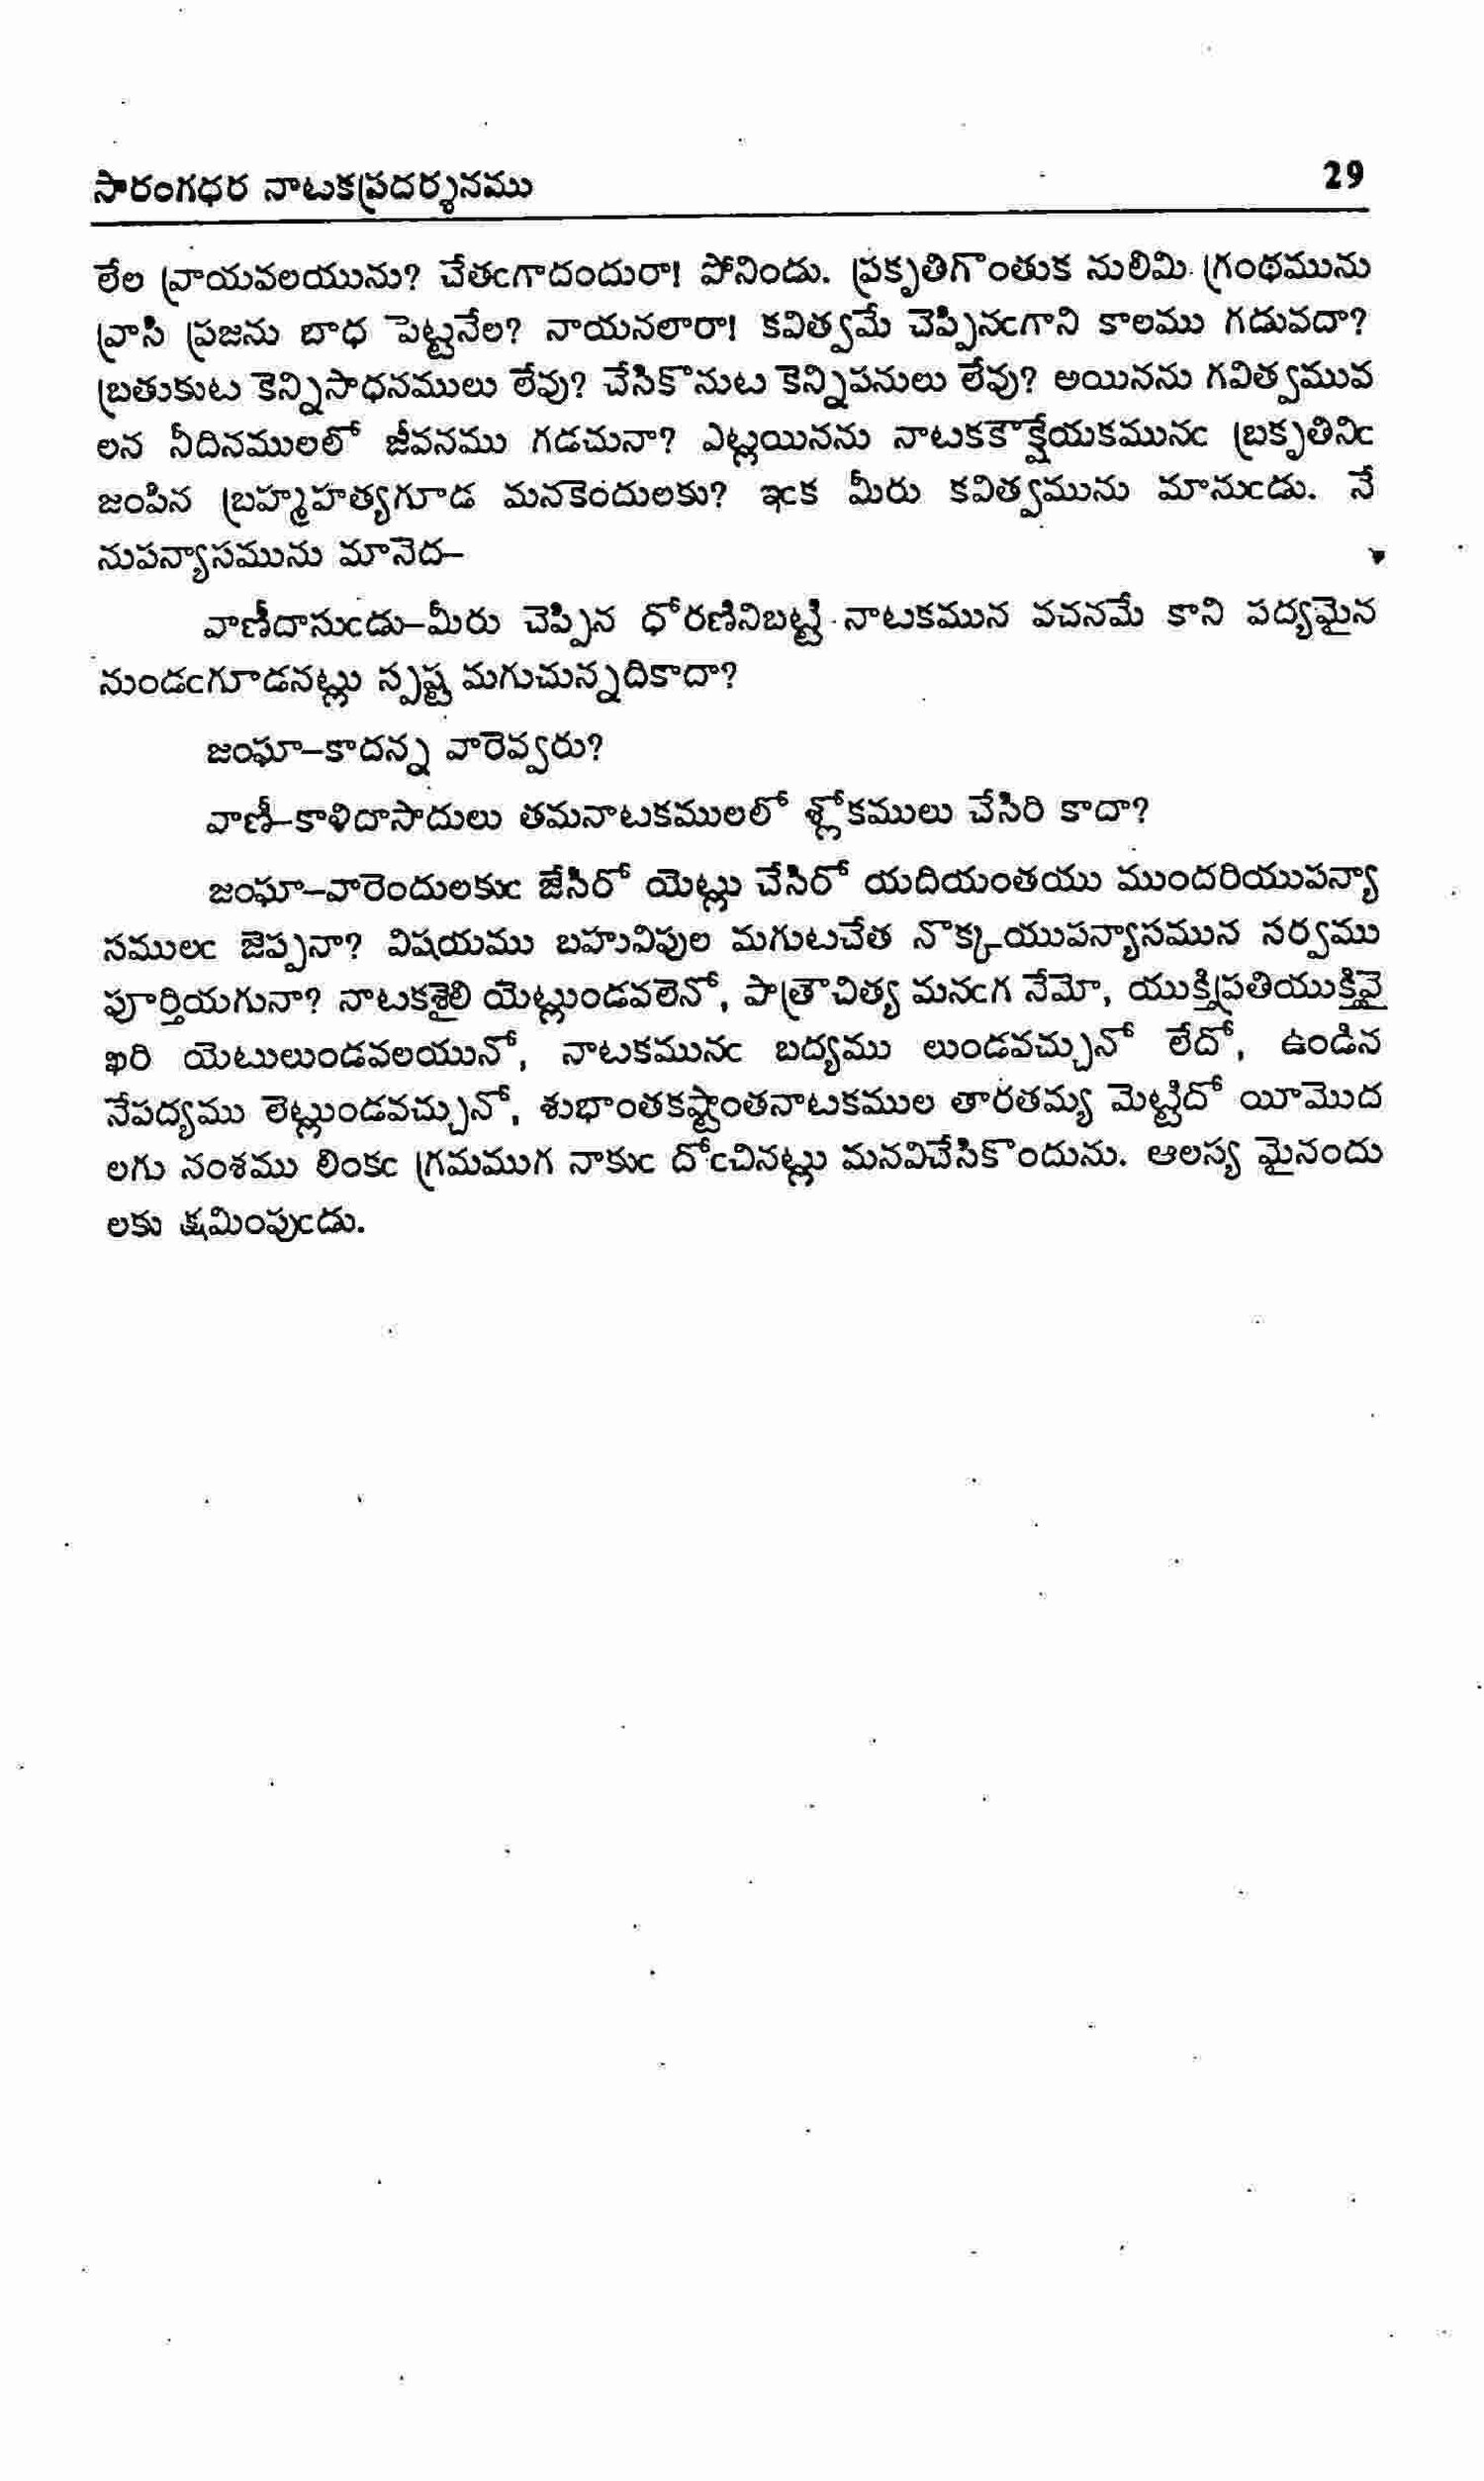లేల వ్రాయవలయును? చేతఁగాదందురా! పోనిండు. ప్రకృతిగొంతుక నులిమి గ్రంథమును వ్రాసి ప్రజను బాధ పెట్టనేల? నాయనలారా! కవిత్వమే చెప్పినఁగాని కాలము గడువదా? బ్రతుకుట కెన్నిసాధనములు లేవు? చేసికొనుట కెన్ని పనులు లేవు? అయినను గవిత్వమువలన నీదినములలో జీవనము గడచునా? ఎట్లయినను నాటకకౌక్షేయకమునఁ బ్రకృతిని జంపిన బ్రహ్మహత్యగూడ మనకెందులకు? ఇఁక మీరు కవిత్వమును మానుఁడు. నేనుపన్యాసమును మానేద-

వాణీదాసుఁడు—మీరు చెప్పిన ధోరణినిబట్టి నాటకమున వచనమే కాని పద్యమైన నుండఁగూడనట్లు స్పష్ట మగుచున్నదికాదా?
జంఘా—కాదన్న వారెవ్వరు?
వాణీ—కాళిదాసాదులు తమనాటకములలో శ్లోకములు చేసిరి కాదా?

జంఘా—వారెందులకుఁ జేసిరో యెట్లు చేసిరో యదియంతయు ముందరియుపన్యా సములఁ జెప్పనా? విషయము బహువిపుల మగుటచేత నొక్కయుపన్యాసమున సర్వము పూర్తియగునా? నాటకశైలి యెట్లుండవలెనో, పాత్రా చిత్య మనఁగ నేమో, యుక్తిప్రతియుక్తివైఖరి యెటులుండవలయునో, నాటకమునఁ బద్యము లుండవచ్చునో లేదో, ఉండిన నేపద్యము లెట్లుండవచ్చునో, శుభాంతకష్టాంతనాటకముల తారతమ్య మెట్టిదో యీమొదలగు నంశము లింకఁ గ్రమముగ నాకుఁ దోఁచినట్లు మనవిచేసికొందును. ఆలస్య మైనందులకు క్షమింపుఁడు.